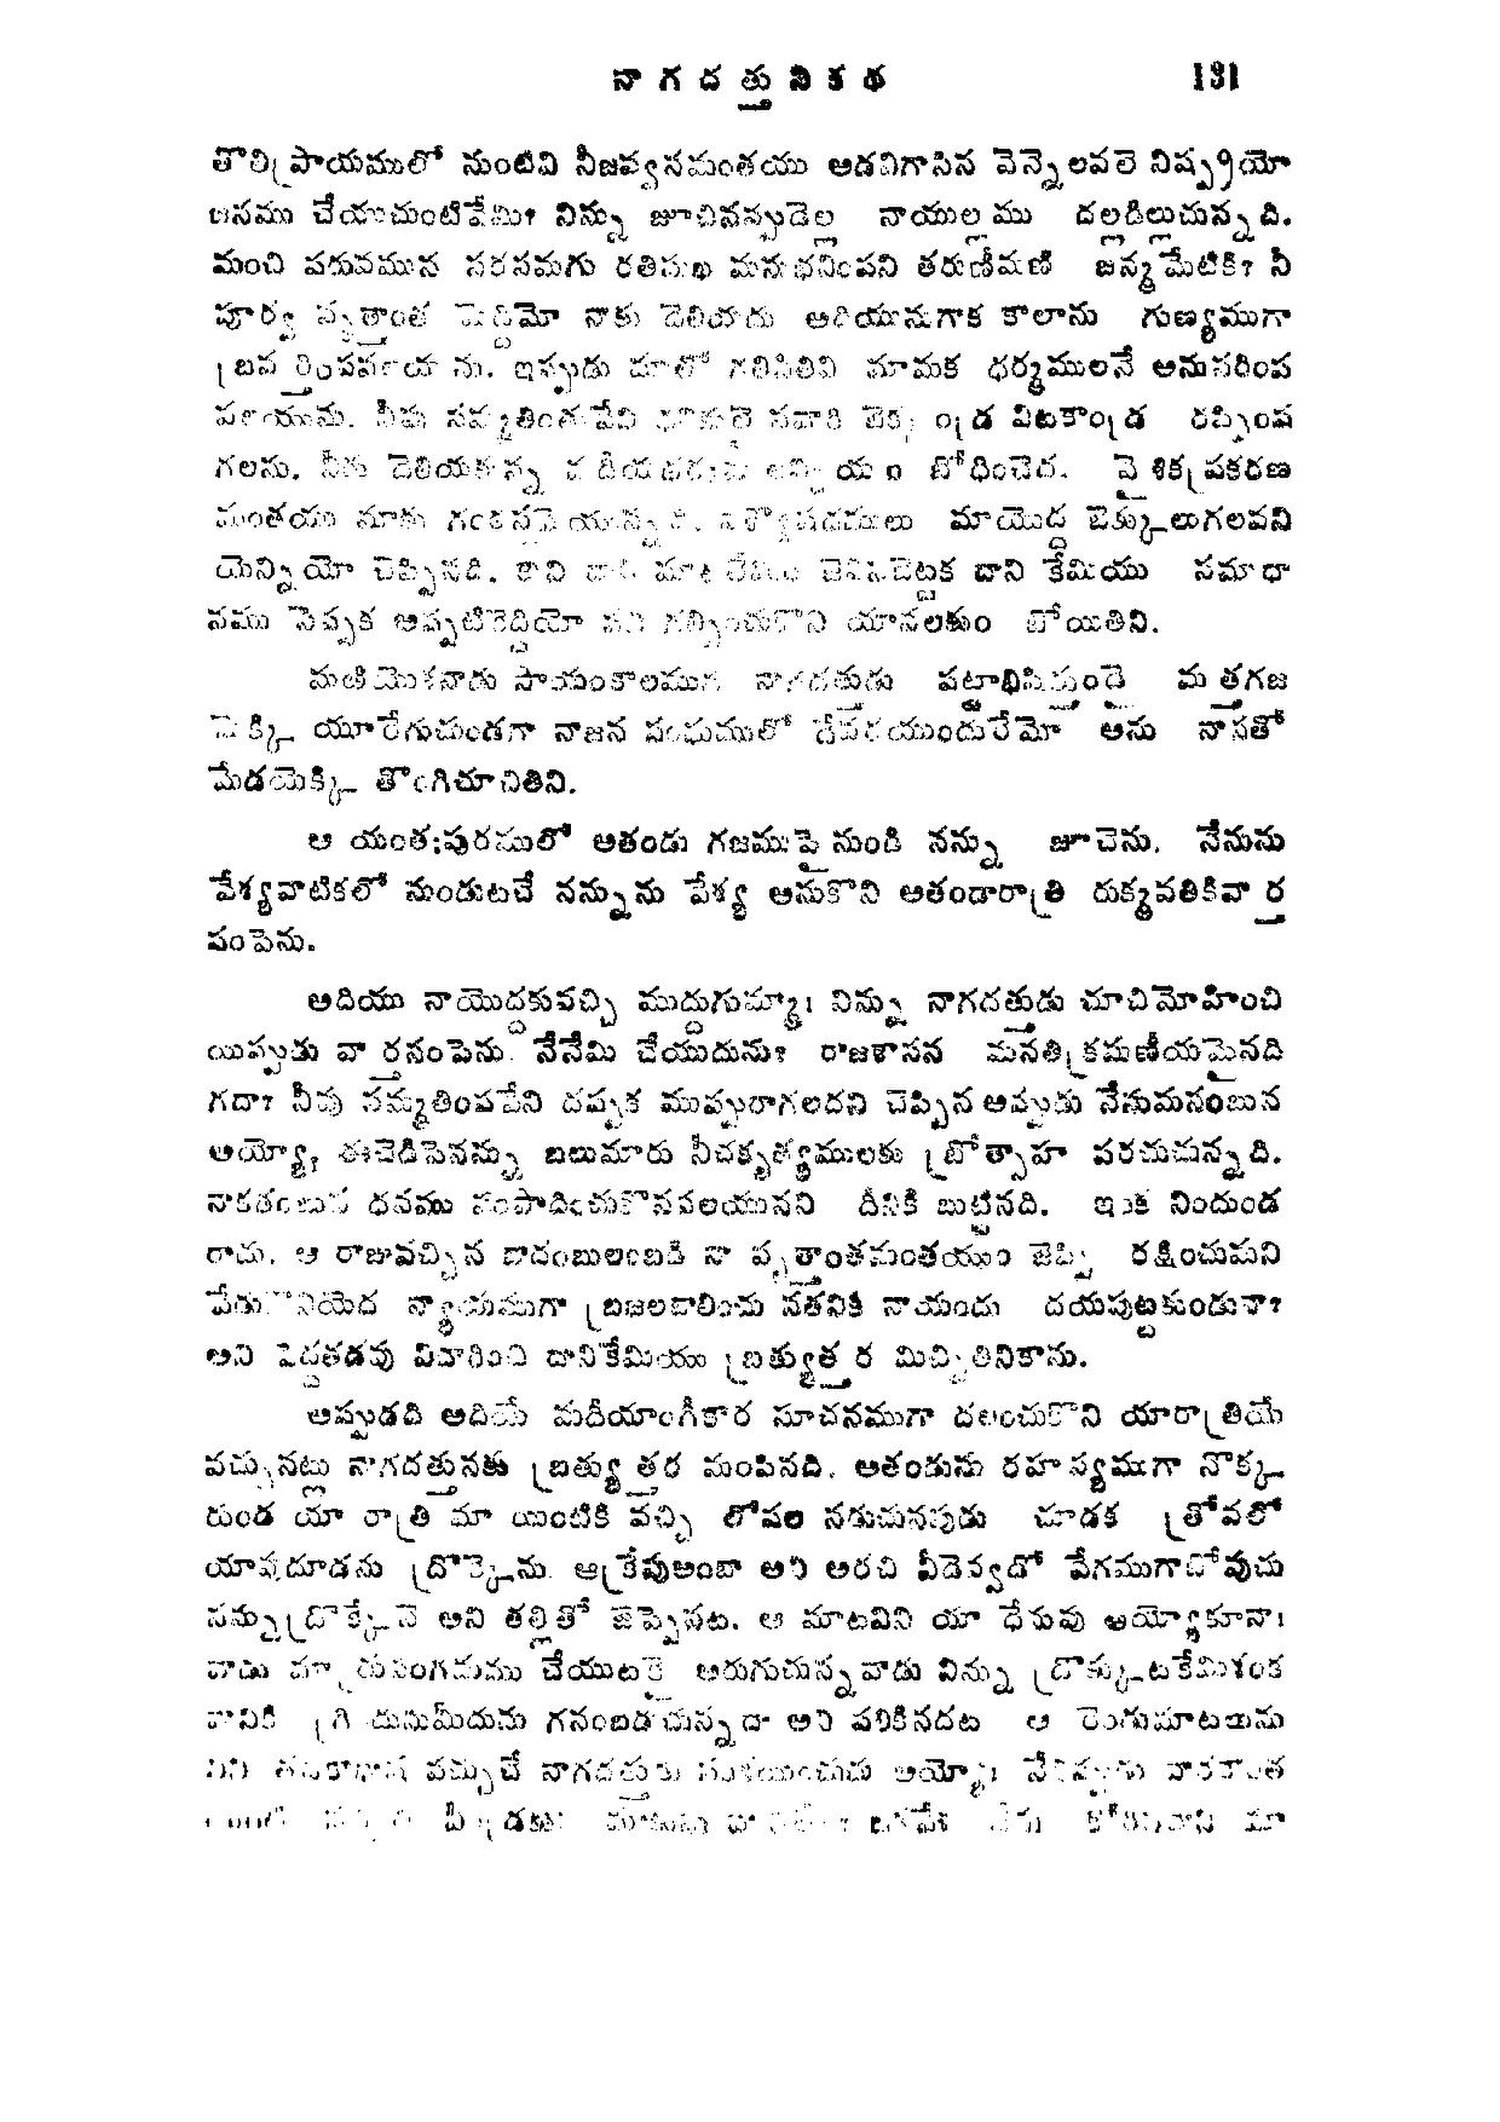తొలిప్రాయములో నుంటివి నీజవ్వనమంతయు అడవిగాసిన వెన్నెలవలె నిష్ప్రయోజనము చేయుచుంటివేమి? నిన్ను జూచినప్పుడెల్ల నాయుల్లము దల్లడిల్లుచున్నది. మంచిపరువమున సరసమగు రతిసుఖ మనుభవింపని తరుణీమణి జన్మ మేటికి? నీ పూర్వవృత్తాంత మెద్దియో నాకు దెలియదు అదియునుగాక కాలానుగుణ్యముగా బ్రవర్తింపవలయును. ఇప్పుడు మాలో గలిసితివి మామకధర్మములనే అనుసరింపవలయును. నీవు సమ్మతింతువేని ధనికులైనవారి బెక్కండ్ర విటకాండ్ర రప్పింపగలను. నీకు దెలియకున్న మదీయధర్మములన్నియుం బోధించెద. వైశికప్రకరణ మంతయు మాకు గంఠస్తమైయున్నది. వశ్యౌషదములు మాయొద్ద బెక్కులుగలవని యెన్నియో చెప్పినది. కాని దానిమాటలేమియు చెవినిబెట్టక దాని కేమియు సమాధానము సెప్పక అప్పటికెద్దియో పని గల్పించుకొని యావలకుం బోయితిని. 

మఱియొకనాడు సాయంకాలమున నాగదత్తుడు పట్టాభిషిక్తుండై మత్తగజ మెక్కి యూరేగుచుండగా నాజనసంఘములో దేవరయుందురేమో అను నాసతో మేడయెక్కి తొంగిచూచితిని.

ఆ యంతఃపురములో అతండు గజముపై నుండి నన్ను జూచెను. నేనును వేశ్యవాటికలో నుండుటచే నన్నును వేశ్య అనుకొని ఆతం డారాత్రి రుక్మవతికివార్త పంపెను.

అదియు నాయొద్దకువచ్చి ముద్దుగుమ్మా! నిన్ను నాగదత్తుడు చూచి మోహించి యిప్పుడు వార్తనంపెను. నేనేమి చేయుదును? రాజశాసన మనతిక్రమణీయమైనది గదా? నీవు సమ్మతింపవేని దప్పక ముప్పురాగలదని చెప్పిన అప్పుడు నేనుమనంబున అయ్యో? ఈచెడిపె నన్ను బలుమారు నీచకృత్యములకు బ్రోత్సాహపరచుచున్నది. నాకతంబున ధనము సంపాదించుకొనవలయునని దీనికి బుట్టినది. ఇంక నిందుండ రాదు. ఆ రాజువచ్చిన బాదంబులంబడి నా వృత్తాంతమంతయుం జెప్పి రక్షించుమని వేడుకొనియెద న్యాయముగా బ్రజలబాలించు నతనికి నాయందు దయపుట్టకుండునా?
అని పెద్దతడవు విచారించి దానికేమియు బ్రత్యుత్తర మిచ్చితినికాను.

అప్పుడది అదియే మదీయాంగీకారసూచనముగా దలంచుకొని యారాత్రియే వచ్చునట్లు నాగదత్తునకు బ్రత్యుత్తర మంపినది. అతండును రహస్యముగా నొక్కరుండ యా రాత్రి మా యింటికి వచ్చి లోపల నడుచునపుడు చూడక త్రోవలో యావుదూడను ద్రొక్కెను. ఆక్రేవు అంబా అని అరచి వీడెవ్వడో వేగముగా బోవుచు నన్ను ద్రొక్కెనె అని తల్లితో జెప్పెనట. ఆ మాటవిని యా ధేనువు అయ్యో కూనా! వాడు మాత్రుసంగమము చేయుటకై అరుగుచున్నవాడు నిన్ను ద్రొక్కుట కేమిశంక వానికి గ్రిందును మీదును గనంబడుచున్నదా అని పలికినదట ఆరెండుమాటలును విని తనకాభాష వచ్చుచే నాగదత్తుడు సంశయించుచు అయ్యో! నేనిప్పుడు వారకాంత యింటికి వచ్చితిని. వీండ్రకును మాకును వావిలేక ఒకవేల నేను కోరినదాని మా